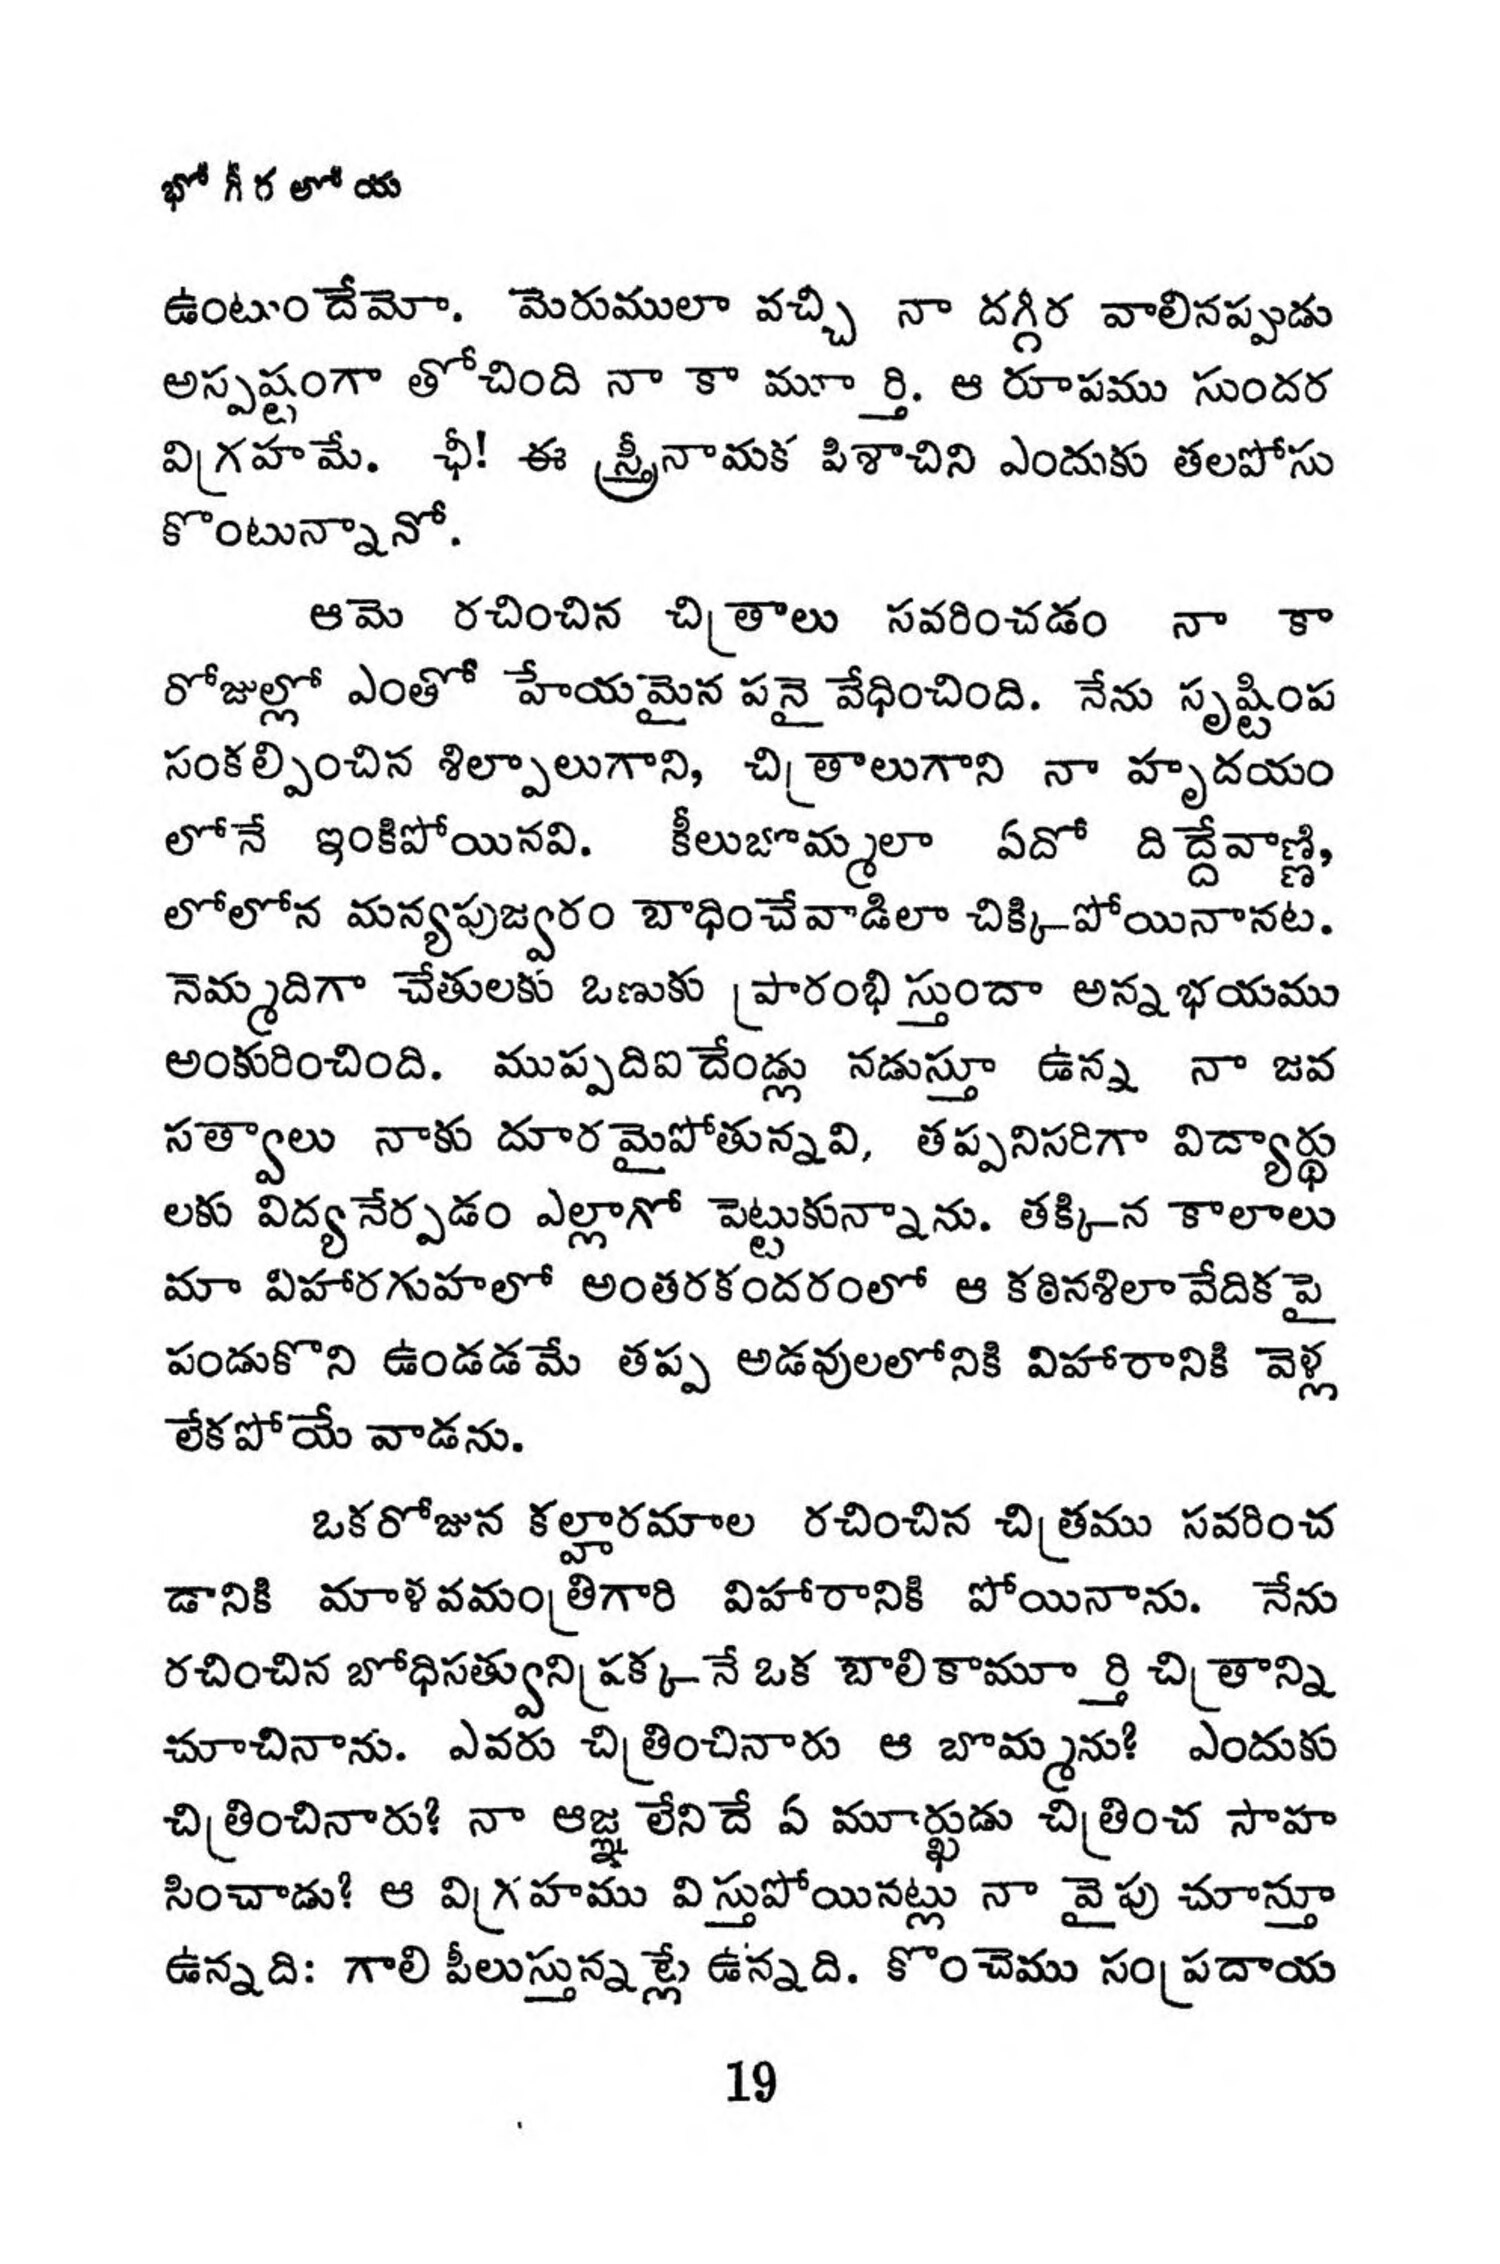ఉంటుందేమో, మెరుములా వచ్చి నా దగ్గిర వాలినప్పుడు అస్పష్టంగా తోచింది నా కా మూర్తి. ఆ రూపము సుందర విగ్రహమే. ఛీ! ఈ స్త్రీనామక పిశాచిని ఎందుకు తలపోసు కొంటున్నానో.

ఆమె రచించిన చిత్రాలు సవరించడం నా కా రోజుల్లో ఎంతో హేయమైన పనై వేధించింది. నేను సృష్టింప సంకల్పించిన శిల్పాలుగాని, చిత్రాలుగాని నా హృదయం లోనే ఇంకిపోయినవి. కీలుబొమ్మలా ఏదో దిద్దేవాణ్ణి, లోలోన మన్యపుజ్వరం బాధించేవాడిలా చిక్కిపోయినానట. నెమ్మదిగా చేతులకు ఒణుకు ప్రారంభిస్తుందా అన్న భయము అంకురించింది. ముప్పదిఐదేండ్లు నడుస్తూ ఉన్న నా జవ సత్వాలు నాకు దూరమైపోతున్నవి. తప్పనిసరిగా విద్యార్థులకు విద్య నేర్పడం ఎల్లాగో పెట్టుకున్నాను. తక్కిన కాలాలు మా విహారగుహలో అంతరకందరంలో ఆ కఠినశిలావేదికపై పండుకొని ఉండడమే తప్ప అడవులలోనికి విహారానికి వెళ్లలేకపోయే వాడను.

ఒకరోజున కల్హారమాల రచించిన చిత్రము సవరించ డానికి మాళవమంత్రిగారి విహారానికి పోయినాను. నేను రచించిన బోధిసత్వునిప్రక్కనే ఒక బాలికామూర్తి చిత్రాన్ని చూచినాను. ఎవరు చిత్రించినారు ఆ బొమ్మను? ఎందుకు చిత్రించినారు? నా ఆజ్ఞ లేనిదే ఏ మూర్ఖుడు చిత్రించ సాహసించాడు? ఆ విగ్రహము విస్తుపోయినట్లు నా వైపు చూస్తూ ఉన్నది : గాలి పీలుస్తున్నట్లే ఉన్నది. కొంచెము సంప్రదాయ